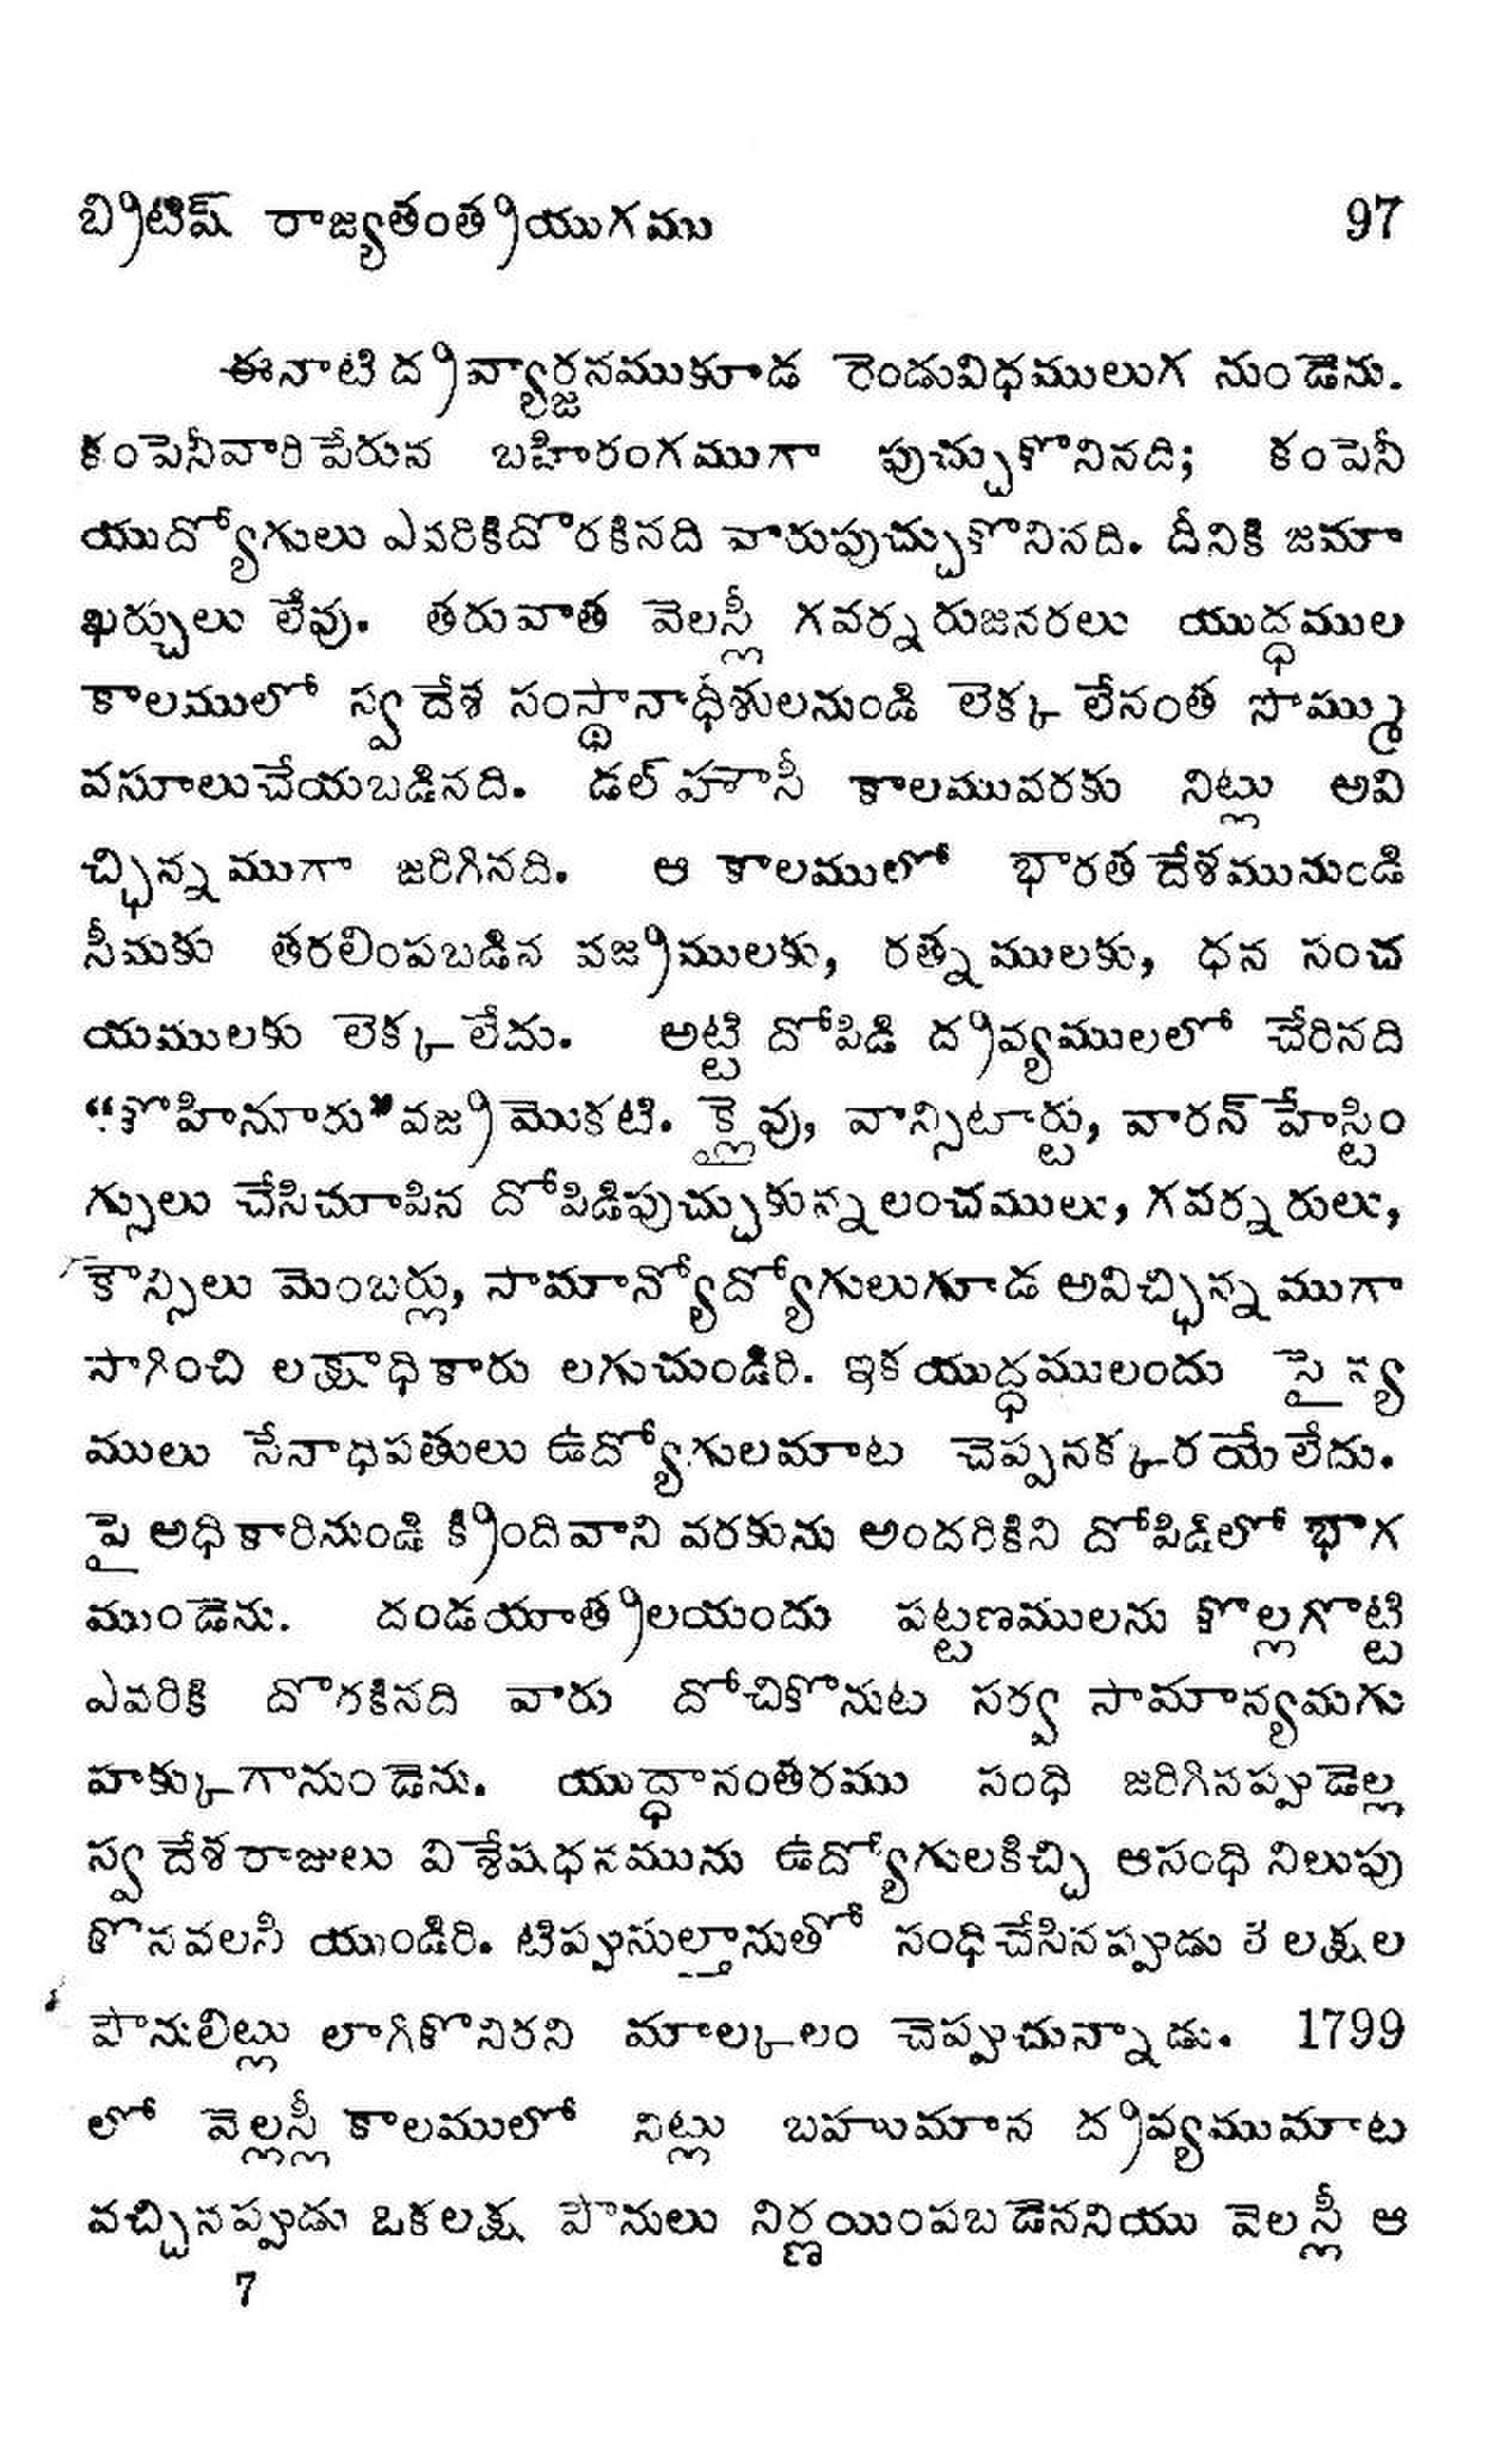ఈనాటిద్రవ్యార్జనముకూడ రెండువిధములుగ నుండెను. కంపెనీవారిపేరున బహిరంగముగా పుచ్చుకొనినది; కంపెనీ
యుద్యోగులు ఎవరికిదొరకినది వారుపుచ్చుకొనినది. దీనికి జమాఖర్చులు లేవు. తరువాత వెలస్లీ గవర్నరుజనరలు యుద్ధముల కాలములో స్వదేశ సంస్థానాధీశులనుండి లెక్క లేనంత సొమ్ము వసూలుచేయబడినది. డల్ హౌసీ కాలమువరకు నిట్లు అవిచ్చిన్నముగా జరిగినది. ఆ కాలములో భారతదేశమునుండి సీమకు తరలింపబడిన వజ్రములకు, రత్నములకు, ధన సంచయములకు లెక్క లేదు. అట్టి దోపిడి ద్రవ్యములలో చేరినది "కోహినూరు" వజ్రమొకటి. క్లైవు, వాన్సిటార్టు, వారన్ హేస్టింగ్సులు చేసిచూపిన దోపిడిపుచ్చుకున్నలంచములు, గవర్నరులు, కౌన్సిలు మెంబర్లు, సామాన్యోద్యోగులుగూడ అవిచ్ఛిన్నముగా సాగించి లక్షాధికారు లగుచుండిరి. ఇక యుద్ధములందు సైన్యములు సేనాధిపతులు ఉద్యోగులమాట చెప్పనక్కరయేలేదు. పై అధికారినుండి క్రిందివాని వరకును అందరికిని దోపిడీలో భాగముండెను. దండయాత్రలయందు పట్టణములను కొల్లగొట్టి ఎవరికి దొరకినది వారు దోచికొనుట సర్వ సామాన్యమగు హక్కుగానుండెను. యుద్ధానంతరము సంధి జరిగినప్పుడెల్ల స్వదేశరాజులు విశేషధనమును ఉద్యోగులకిచ్చి ఆసంధి నిలుపుకొనవలసి యుండిరి. టిప్పుసుల్తానుతో సంధిచేసినప్పుడు 3 లక్షల పౌనులిట్లు లాగికొనిరని మాల్కలం చెప్పుచున్నాడు. 1799 లో వెల్లస్లీ కాలములో నిట్లు బహుమాన ద్రవ్యముమాట వచ్చినప్పుడు ఒకలక్ష, పౌనులు నిర్ణయింపబడెననియు వెలస్లీ ఆ